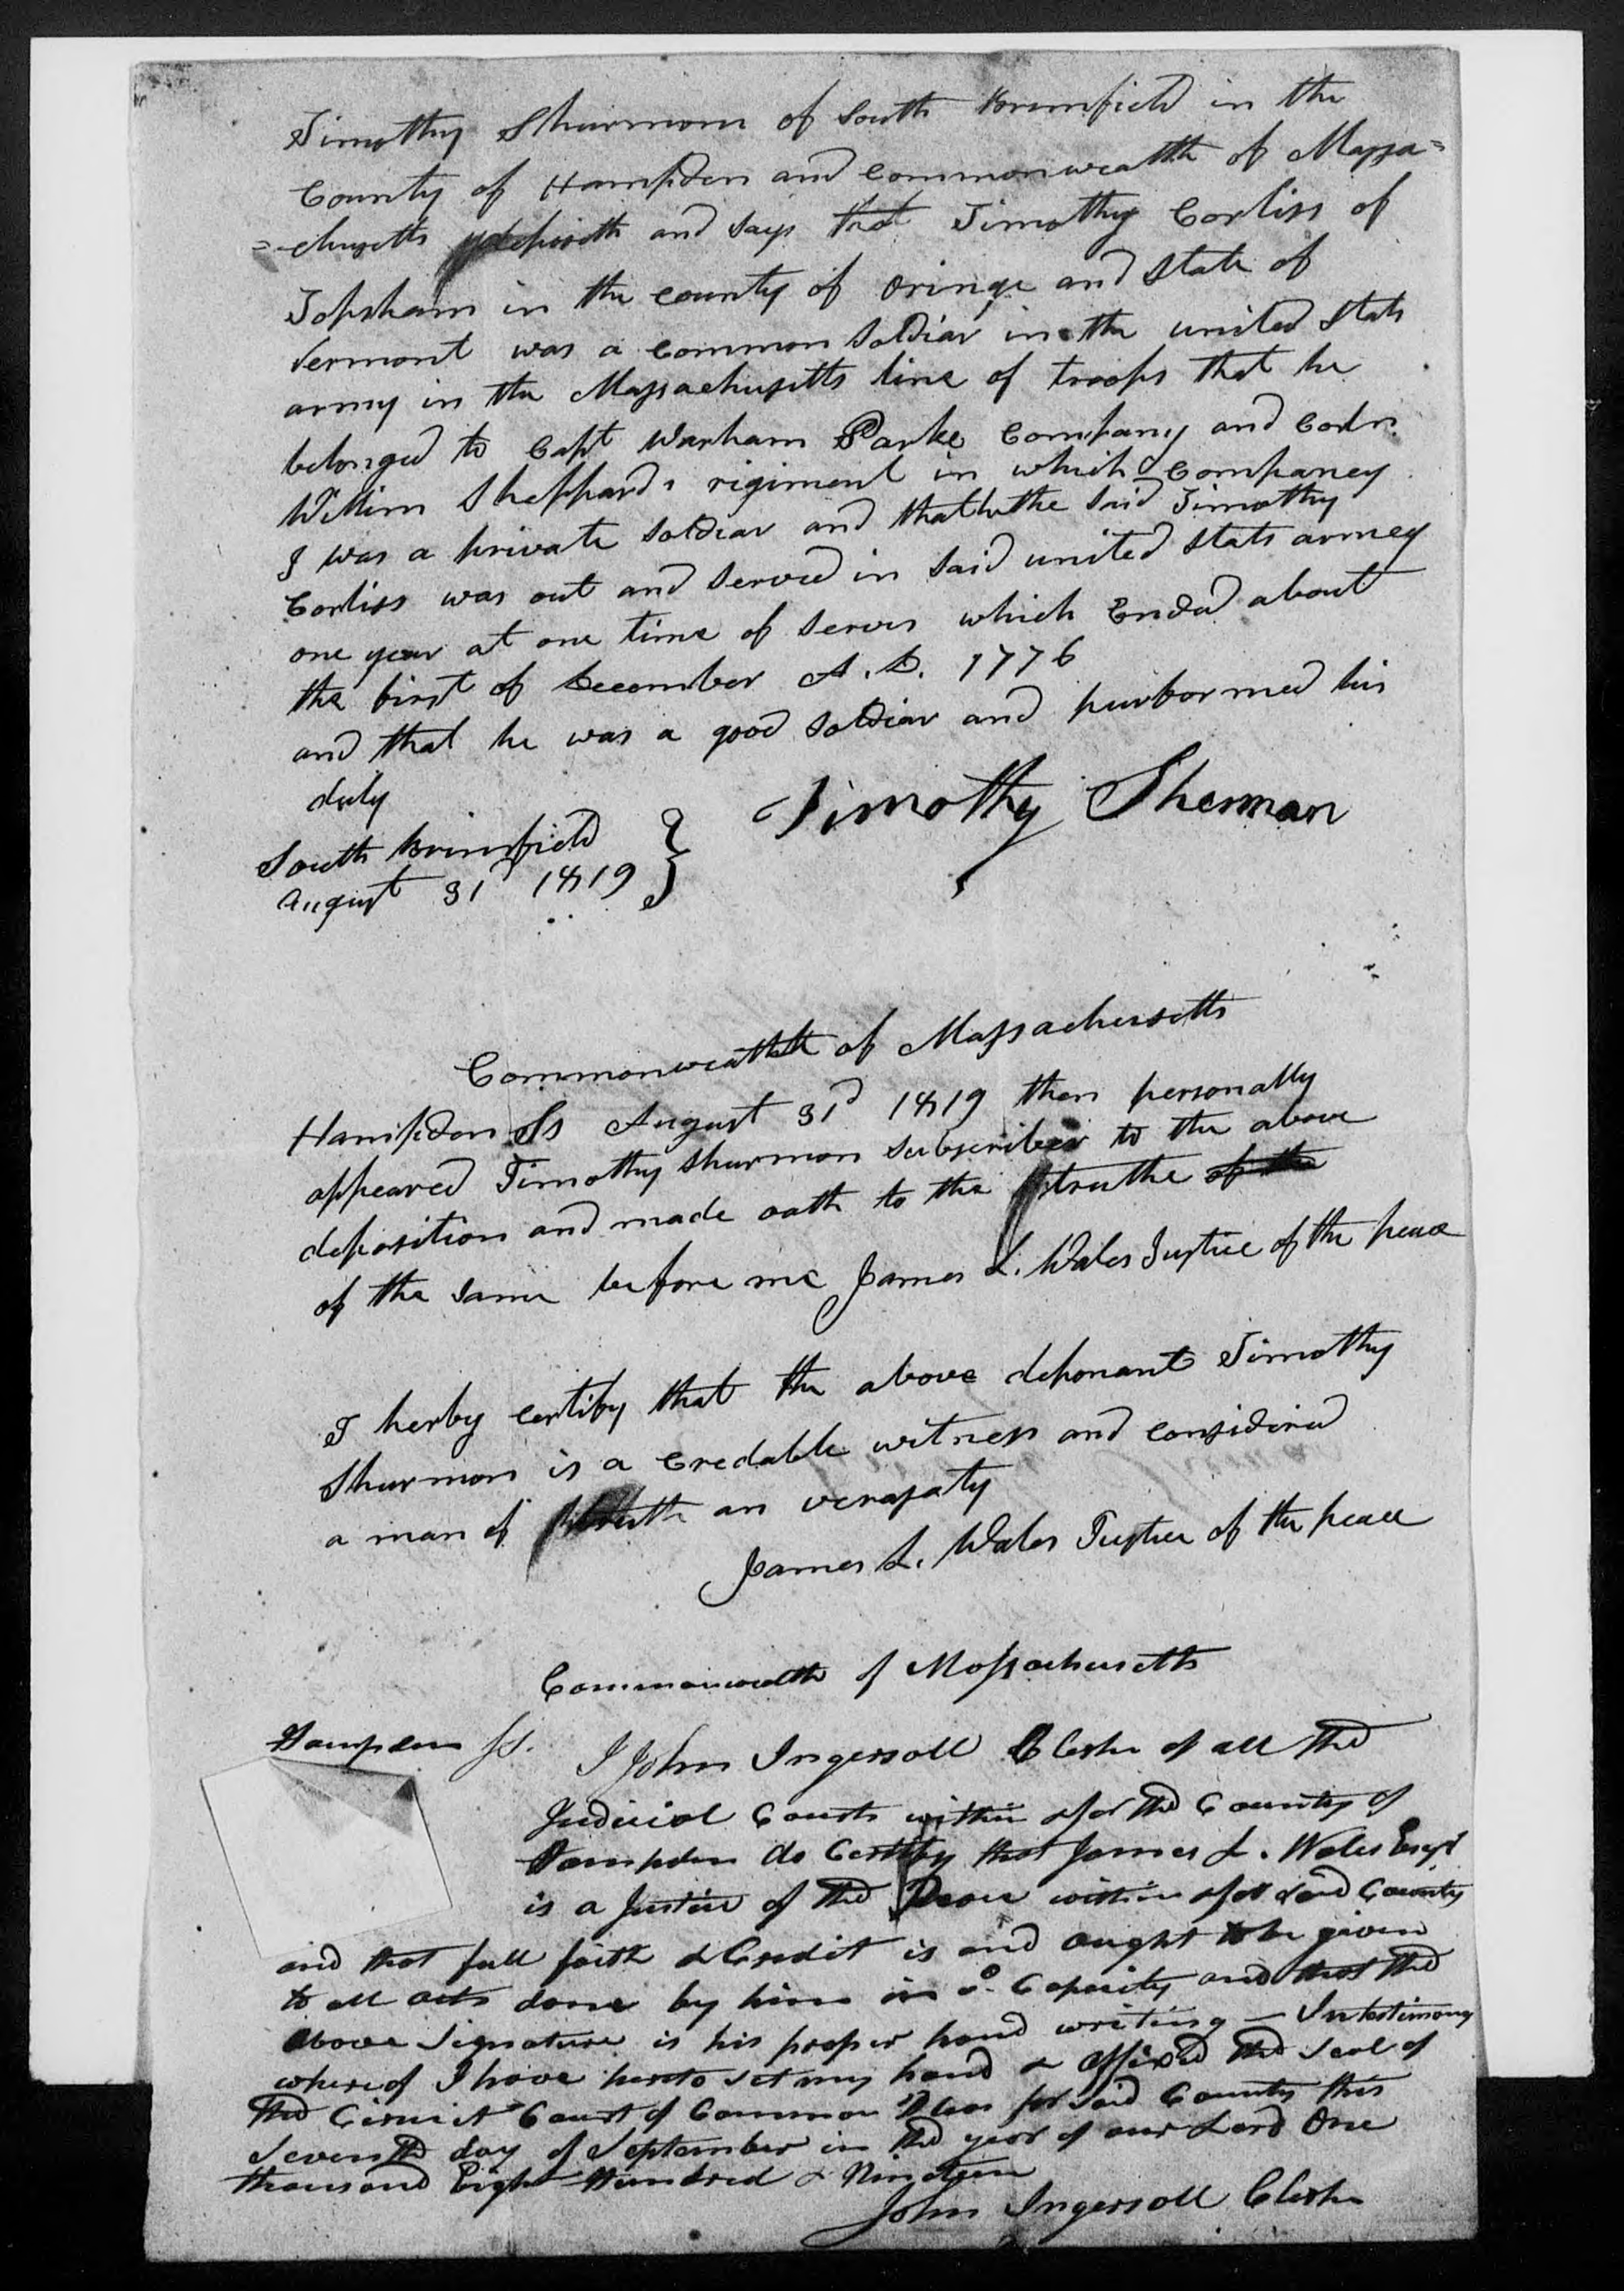Timothy Shannon of South Bromfield in the
County of Hampden and Commonwealth of Massachusetts
Deposit and says that Timothy Corliss of
Topsham in the County of Oringe [sic] and State of
Vermont was a common soldier in the United State
army in the Massachusetts line of troops that he
belonged to Captain Warham Parks Company and colonel 
William Sheppards regiment in which Company I 
was a private soldier and that he the said Timothy
Corliss was out and served in said United States army
one year at one time of servis [sic] which ended about
the first of December A.D. 1776.
and that he was a good soldier and performed his
Duty.
Timothy Sherman
South Brimfield
August 31 1819

Commonwealth of Massachusetts
Hampden ss August 31 1819
then personally appeared Timothy Sherman subscribed to the above deposition and made oath to the truth
of the same before me 
James L. Wales Justice of the peace
I herby certify that the above deponent Timothy
Sherman is a credible witness and considered
a man of truth and veracity.
James L. Wales Justice of the peace
Commonwealth of Massachusetts
Hampden SS.
I, John Ingersoll Clerk of all the
Judicial Courts within and for the County of
Hampden do certify that James L. Wales
is a Justice of the Peace within aforesaid County
and that full faith and credit is and ought to be given
to all acts done by him in said capacity and the
above signature is his proper hand writing - In testimony
whereof I have hereto set my hand and affixed the seal of
Circuit Court of Common pleas for said County this
Seventh day of September in the year of our Lord one
thousand Eight Hundred and Nineteen
John Ingersoll Clerk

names: Timothy Sherman, John Ingersoll, James L Wales, John Ingersoll, Timothy Corliss, Timothy Sherman, James L Wales, Timothy Corliss, James L Wales, Timothy Sherman, Timothy Sherman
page: 30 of 34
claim: widow's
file: W. 20,896, Timothy Corless, Continental Mass